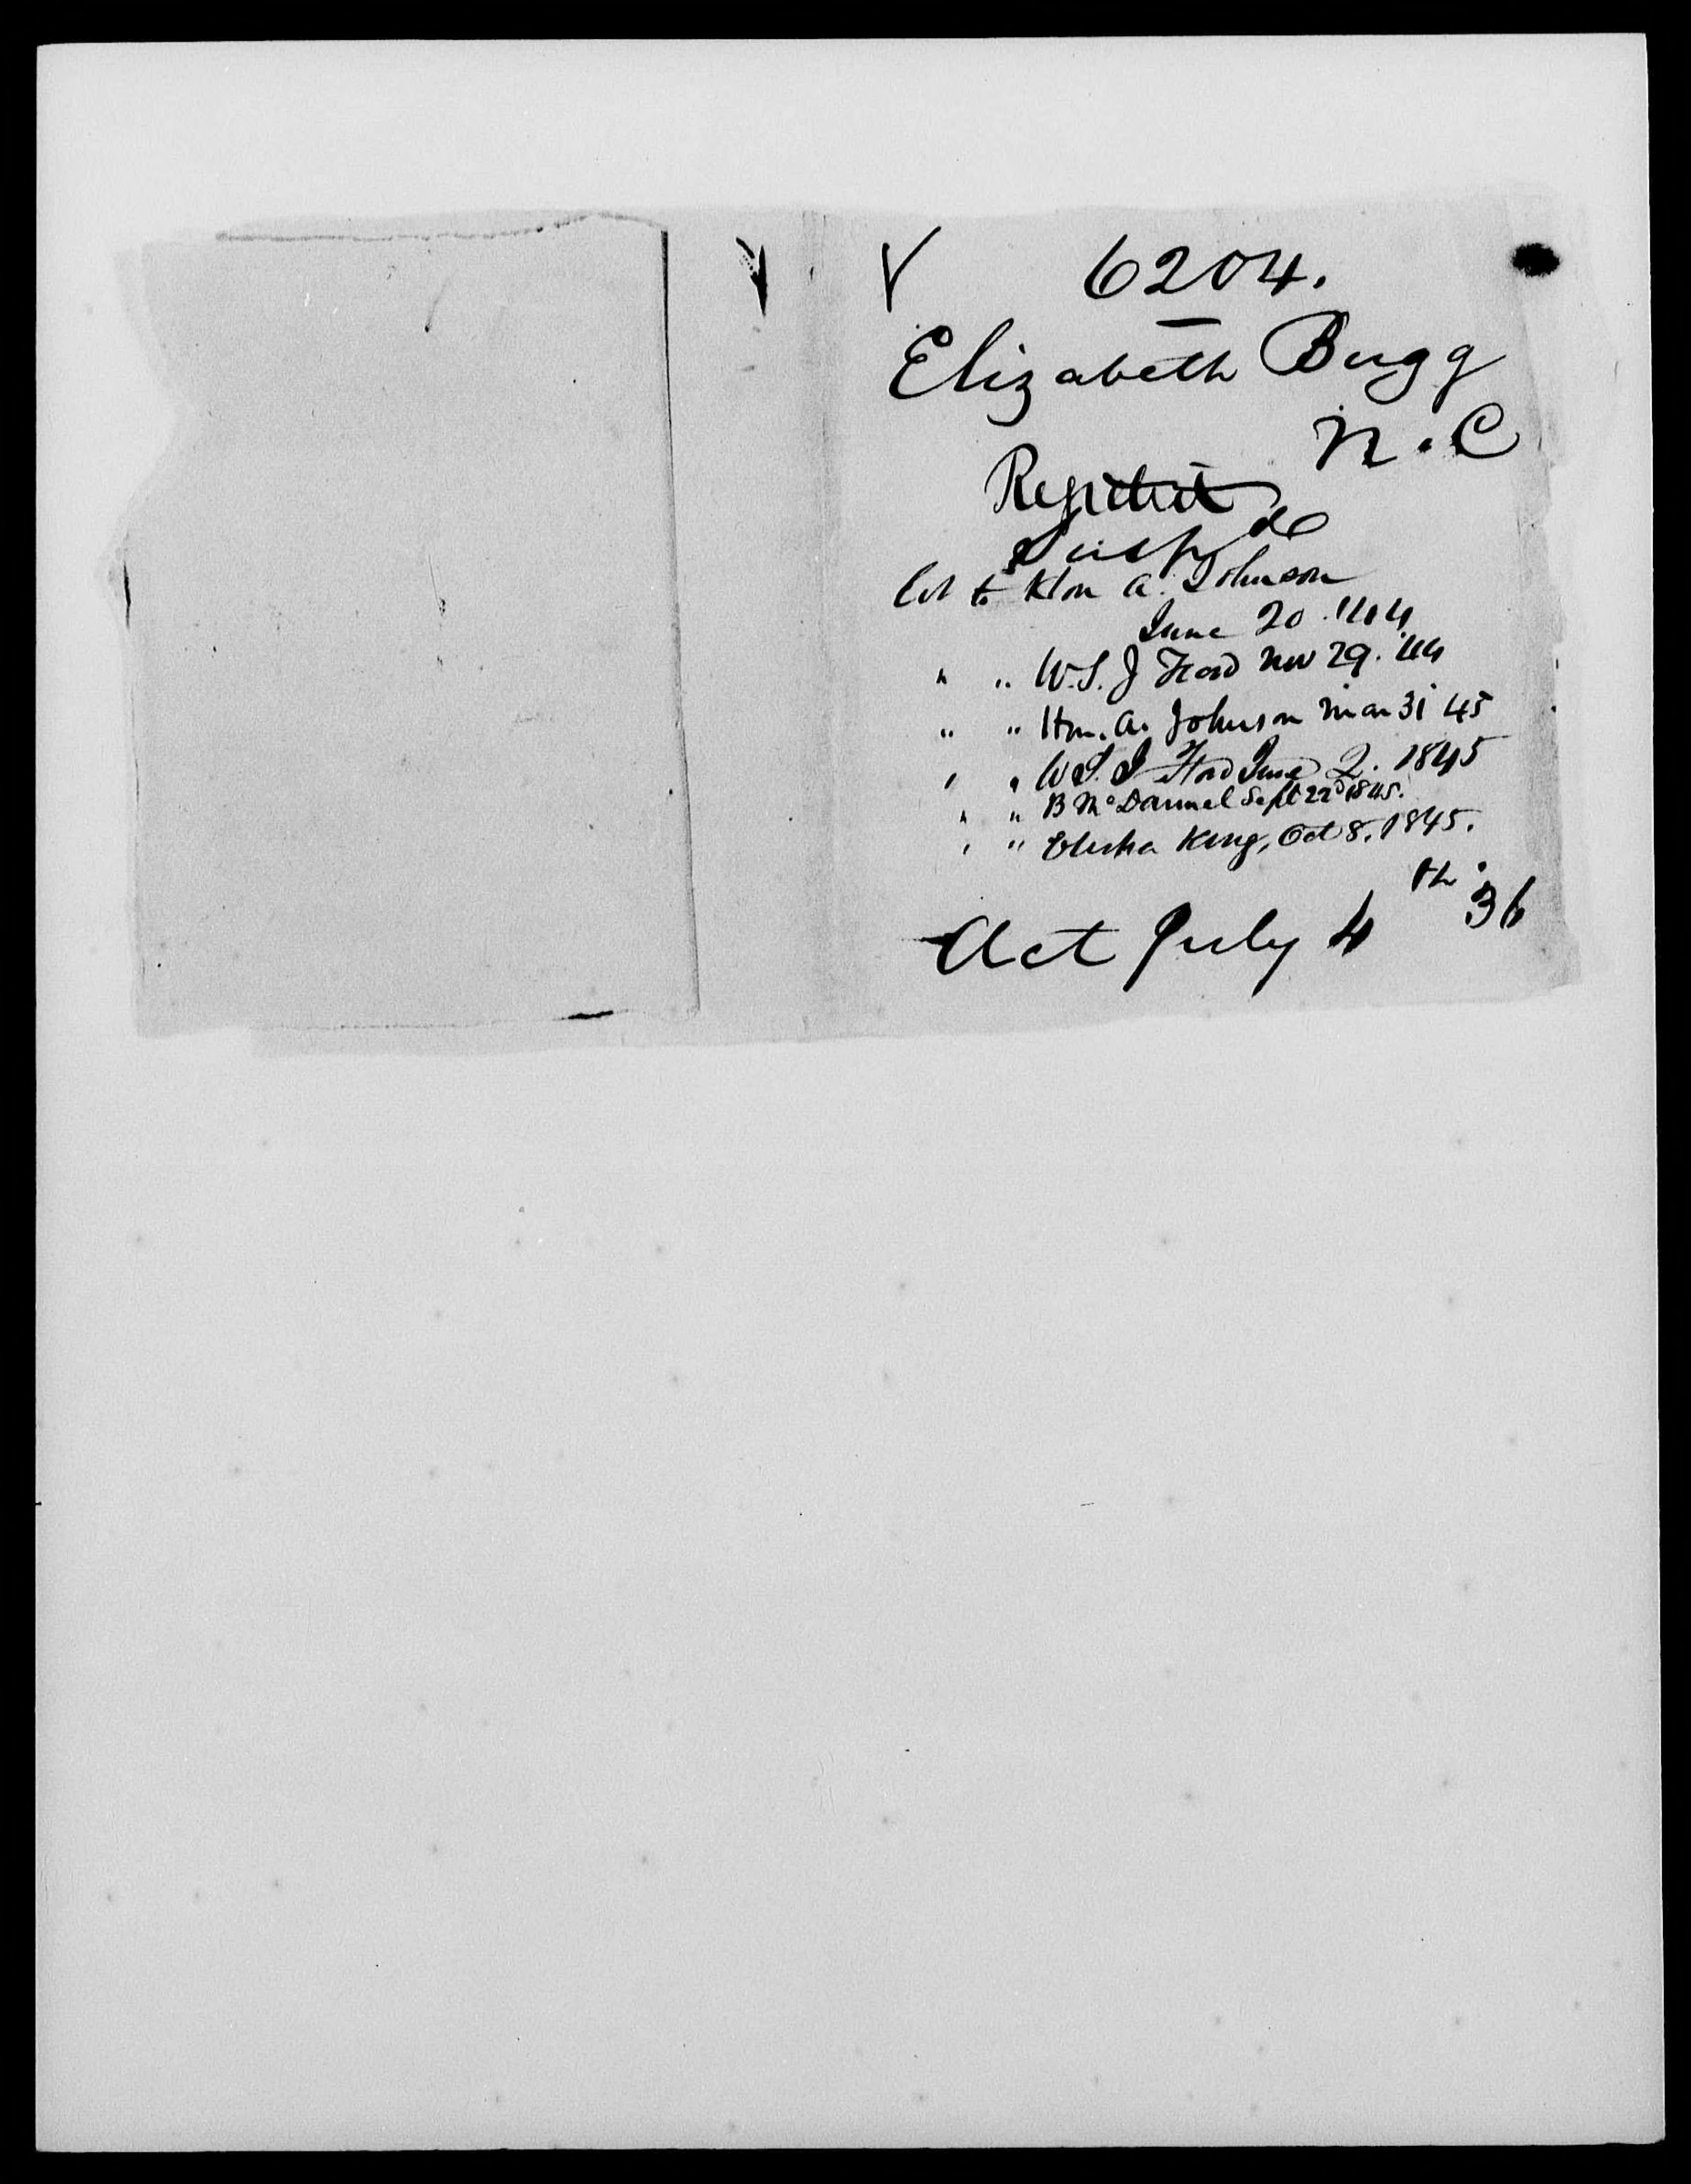[In large handwriting, there appears to be a check mark on the left top corner of the page.]
6204.
Elizabeth Bugg N.C
Rejected 
Suspd

[In smaller handwriting] 
Let [Letter] to Hon. A. Johnson June 20 '44 [1844]
" " W.S.J Ford Nov 29. '44 [1844]
" " Hon. A. Johnson Mar 31 '45 [1845]
" " W.S.J [or W. I. J, or W. L. J] Ford June 2. 1845
"" B. McDonnel [or B McDannel] Sept 22d 1845.
"" Elisha King, Oct 8, 1845.

[In large handwriting like that also shown at top of document]
Act July 4th '36 [1836]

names: Elisha King, A Johnson, A Johnson, W S J Ford, Elizabeth Bugg, B Mc Dannel, W S J Ford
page: 23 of 50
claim: widow's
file: W. 898, William Bugg, N.C.